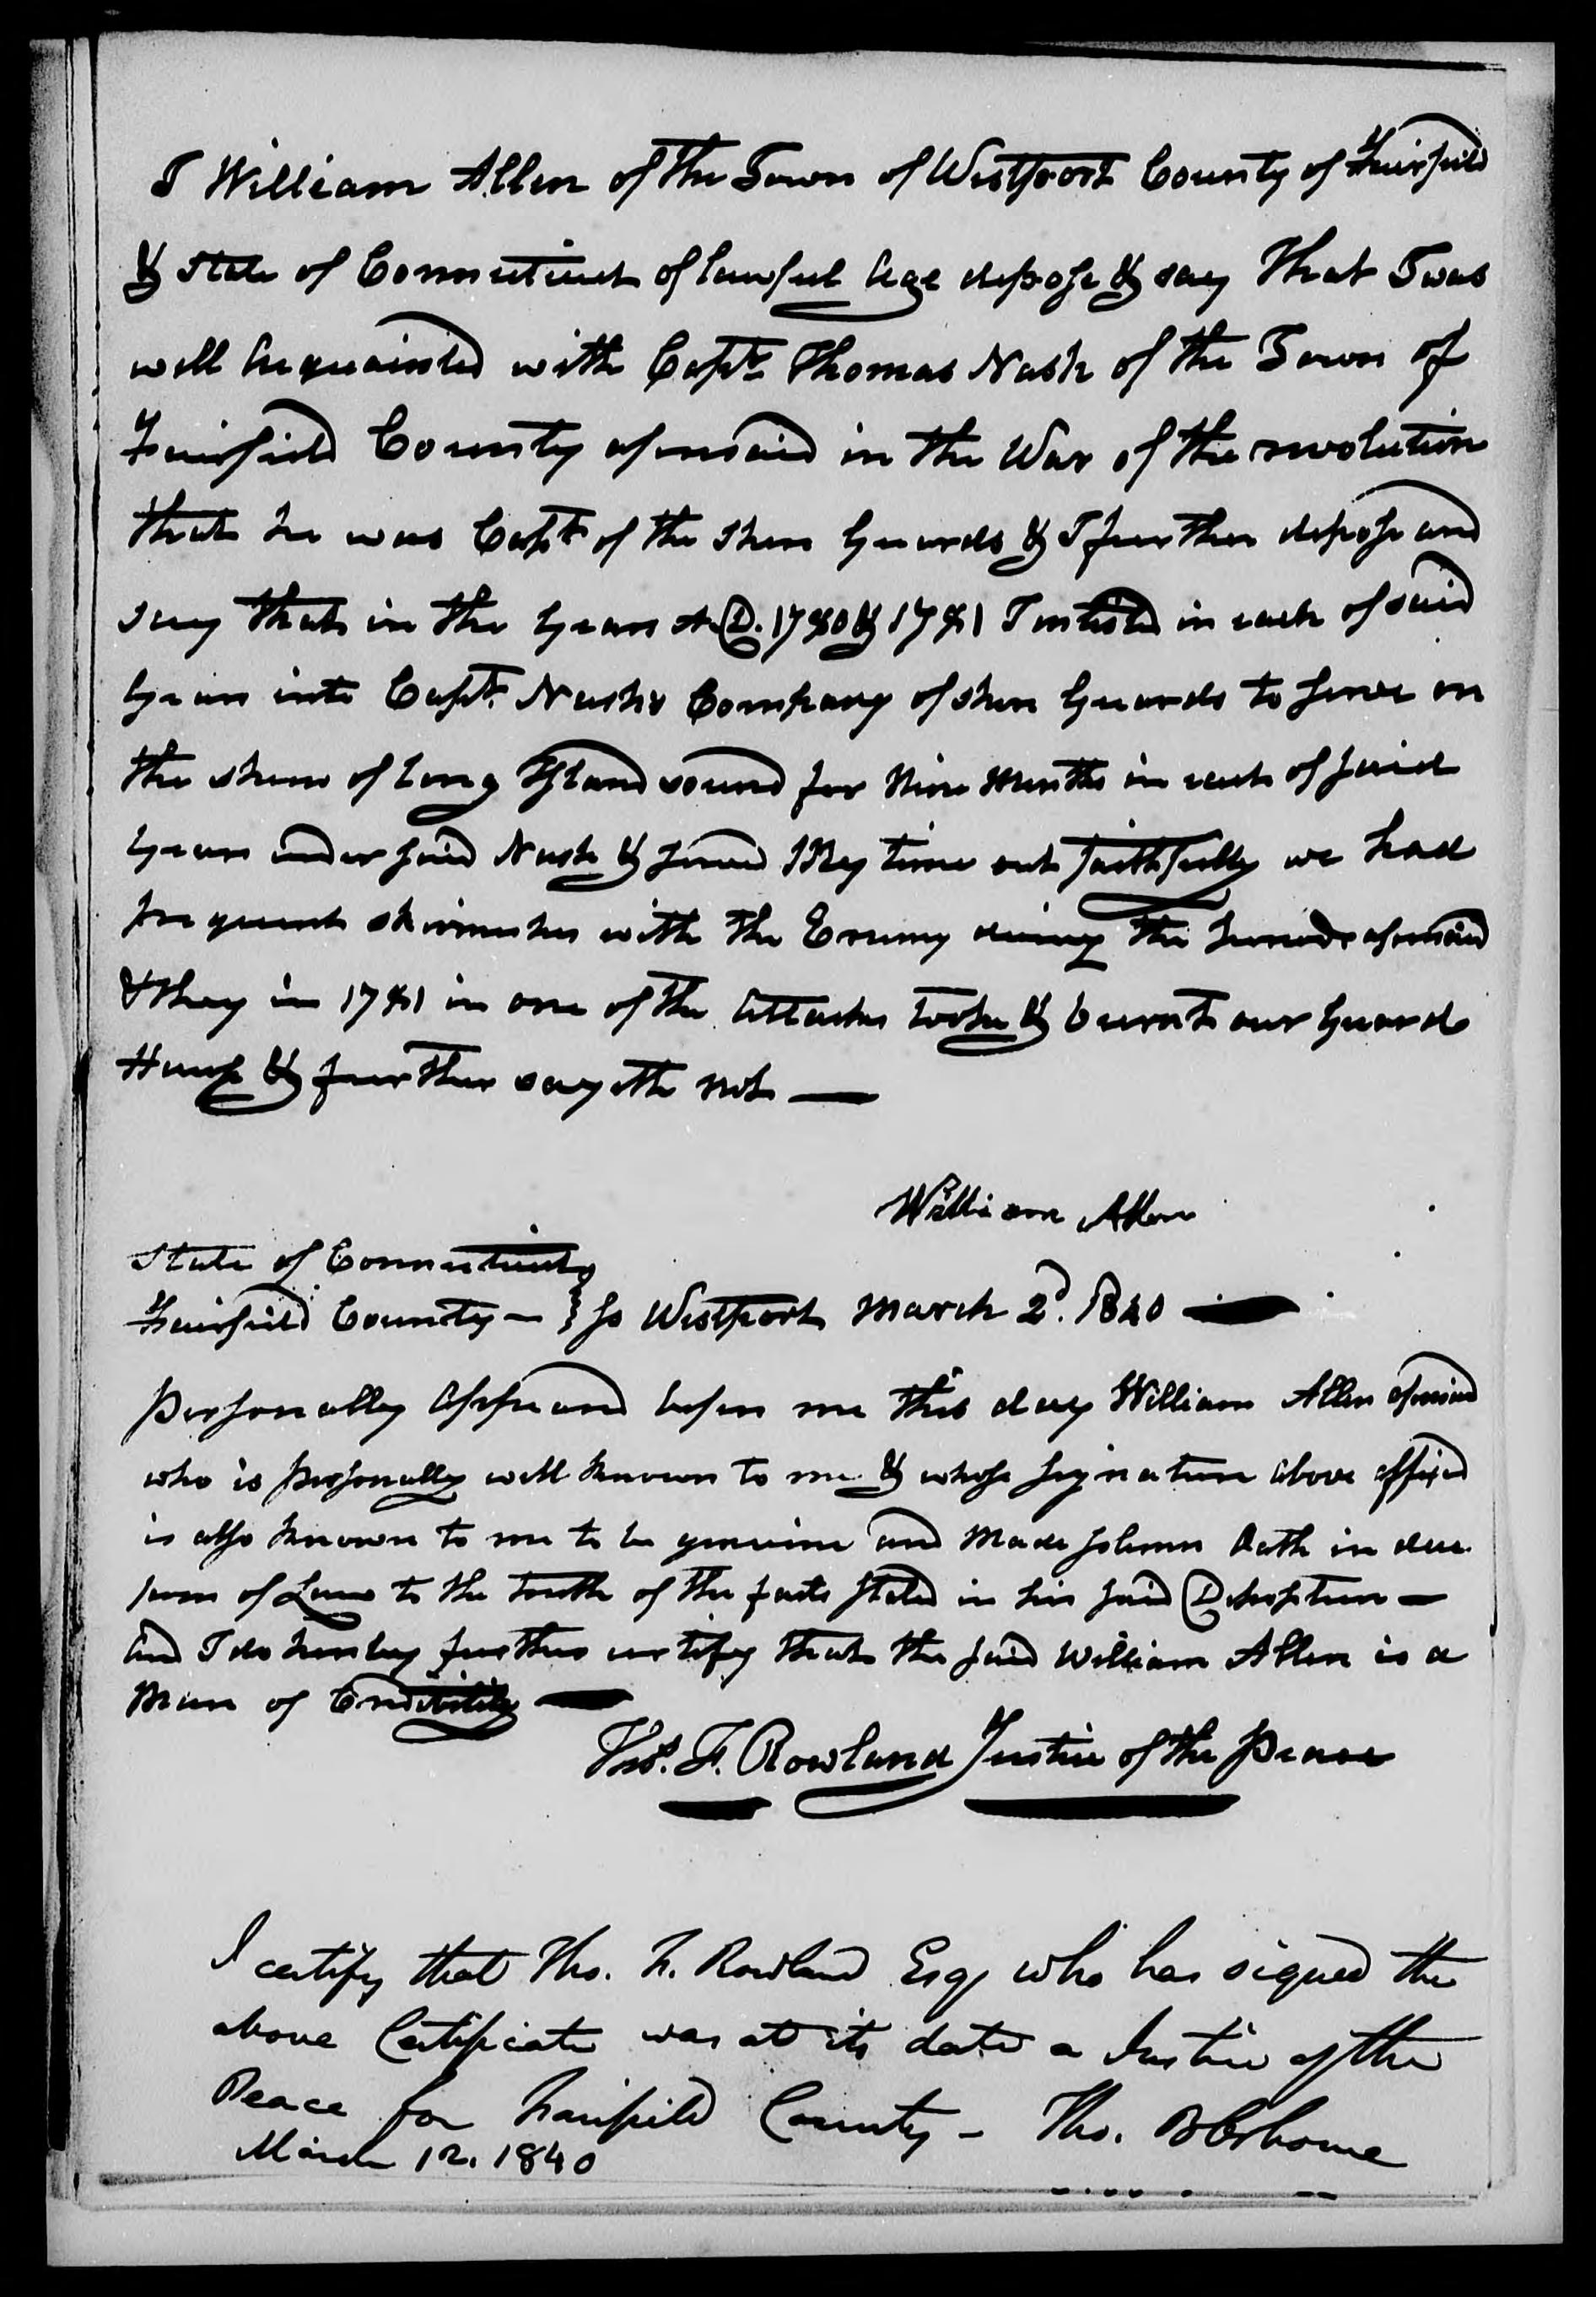I William Allen of the Town of Westport County of Fairfield
& State of Connecticut of lawful age depose & say that I was
well acquainted with Capt Thomas Nash of the Town of
Fairfield County aforesaid in the War of the revolution
that he was Capt of the then Guards & I further depose and
say that in the year A.D. 1780 & 1781 I enlisted in each of said
years into Capt Nash's Company of the Guards to serve in
the shores of Long Island sound for Nine months in each of said
years aforesaid Nash & found my time out faithfully we had
frequent skirmishes with the Enemy during the term aforesaid
& they in 1781 in one of the attacks took & burnt our Guard
House & further sayeth not
William Allen 

State of Connecticut
Fairfield County 
of the Town of Westport March 2d 1840

Personally appeared before me this day William Allen aforesaid
who is personally well known to me & whose signature above affixed
is also known to me to be genuine and made solemn Oath in due
from of Law to the truth of the facts stated in his said Deposition
and I do hereby further certify that the said William Allen is a
Man of Credibility.
Thos. F. Rowland Justice of the Peace

I certify that Tho. F. Rowland Esq who has signed the
above certificate was at its datea Justice of the
Peace for Fairfield County. Thos. B Osborne
March 12. 1840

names: William Allen, William Allen, William Allen, Thos F Rowland, Tho F Rowland, William Allen, Tho B Osborne, Thomas Nash, Nash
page: 33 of 69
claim: widow's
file: W. 25562, Abijah Elwood, Conn.